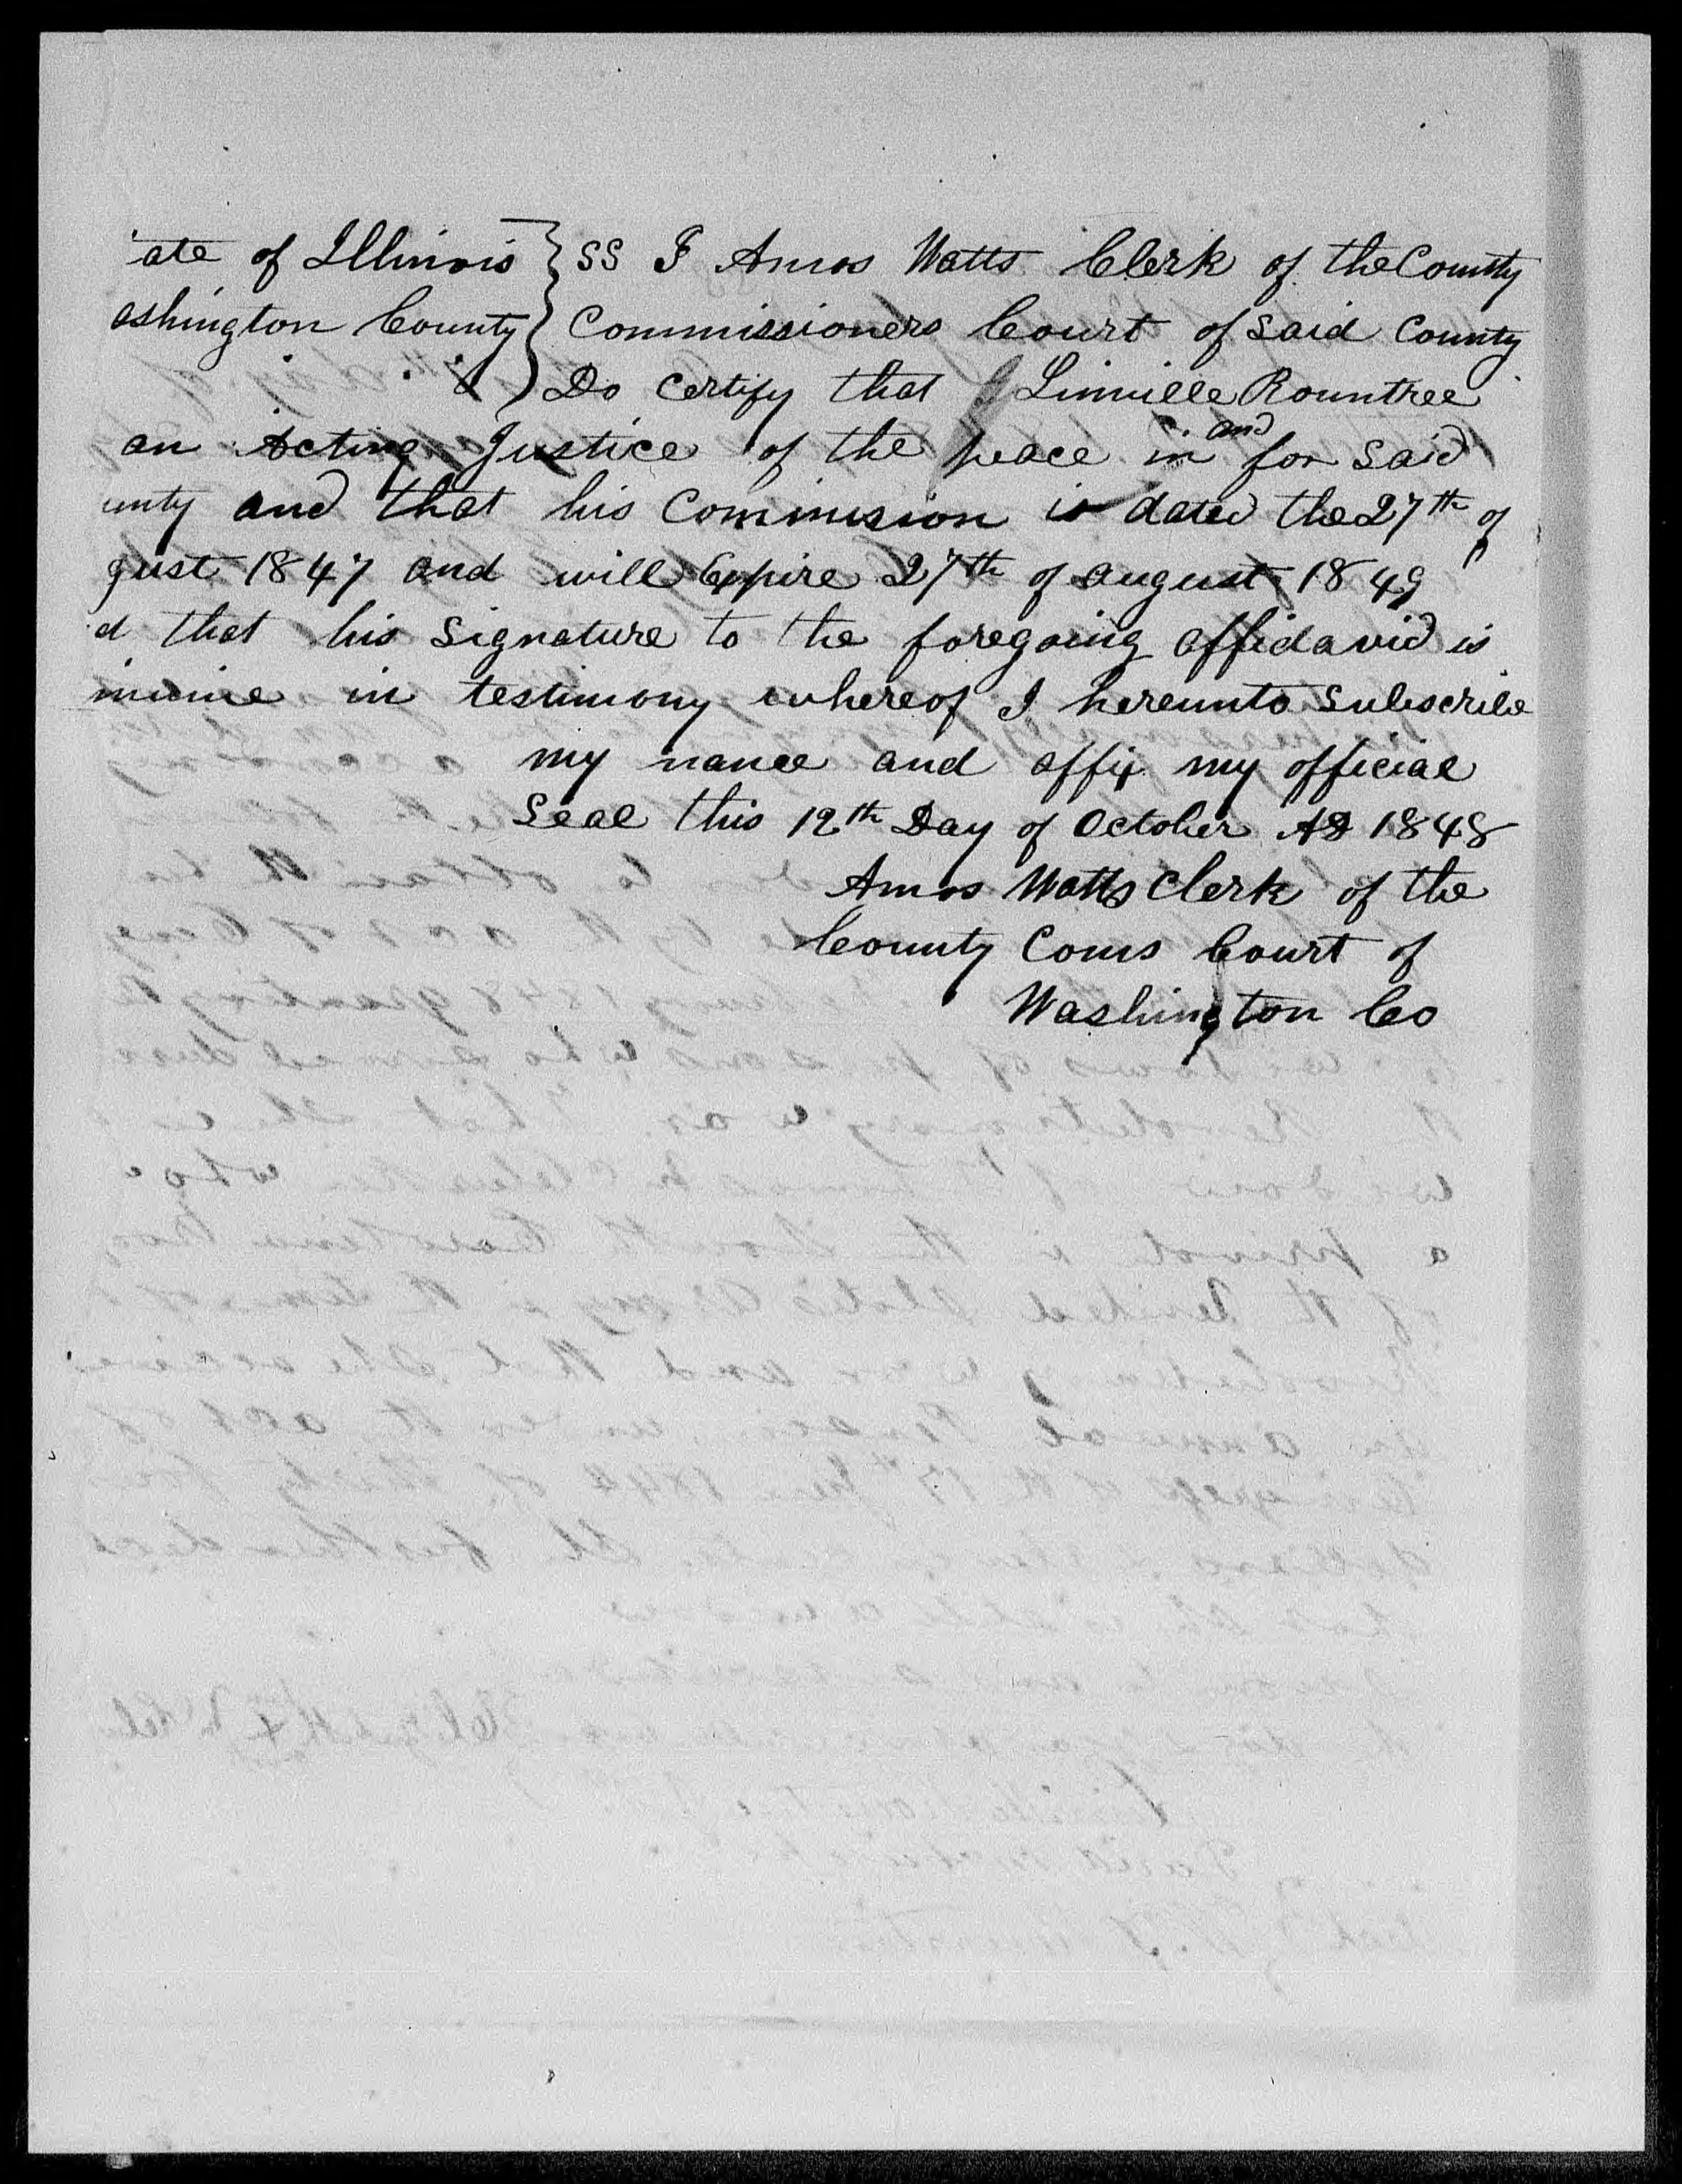State of Illinois} ss 
Washington County}
I Amos Watts Clerk of the County 
Commissioners Court of said County 
Do certify that Linville Rountree 
an an acting Justice of the peace in and for said County and that his commission is dated the 27th of 
August 1847 and will expire 27th of August 1849 
and that his signature to the foregoing affidavit is
genuine in testimony whereof I hereunto subscribe 
my name and affix my official 
Seal this 12th day of October AD 1848 

Amos Watts Clerk of the 
County Comm Court of 
Washington Co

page: 80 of 93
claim: widow's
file: W. 21792, for Thomas Mc Clurken, South Carolina